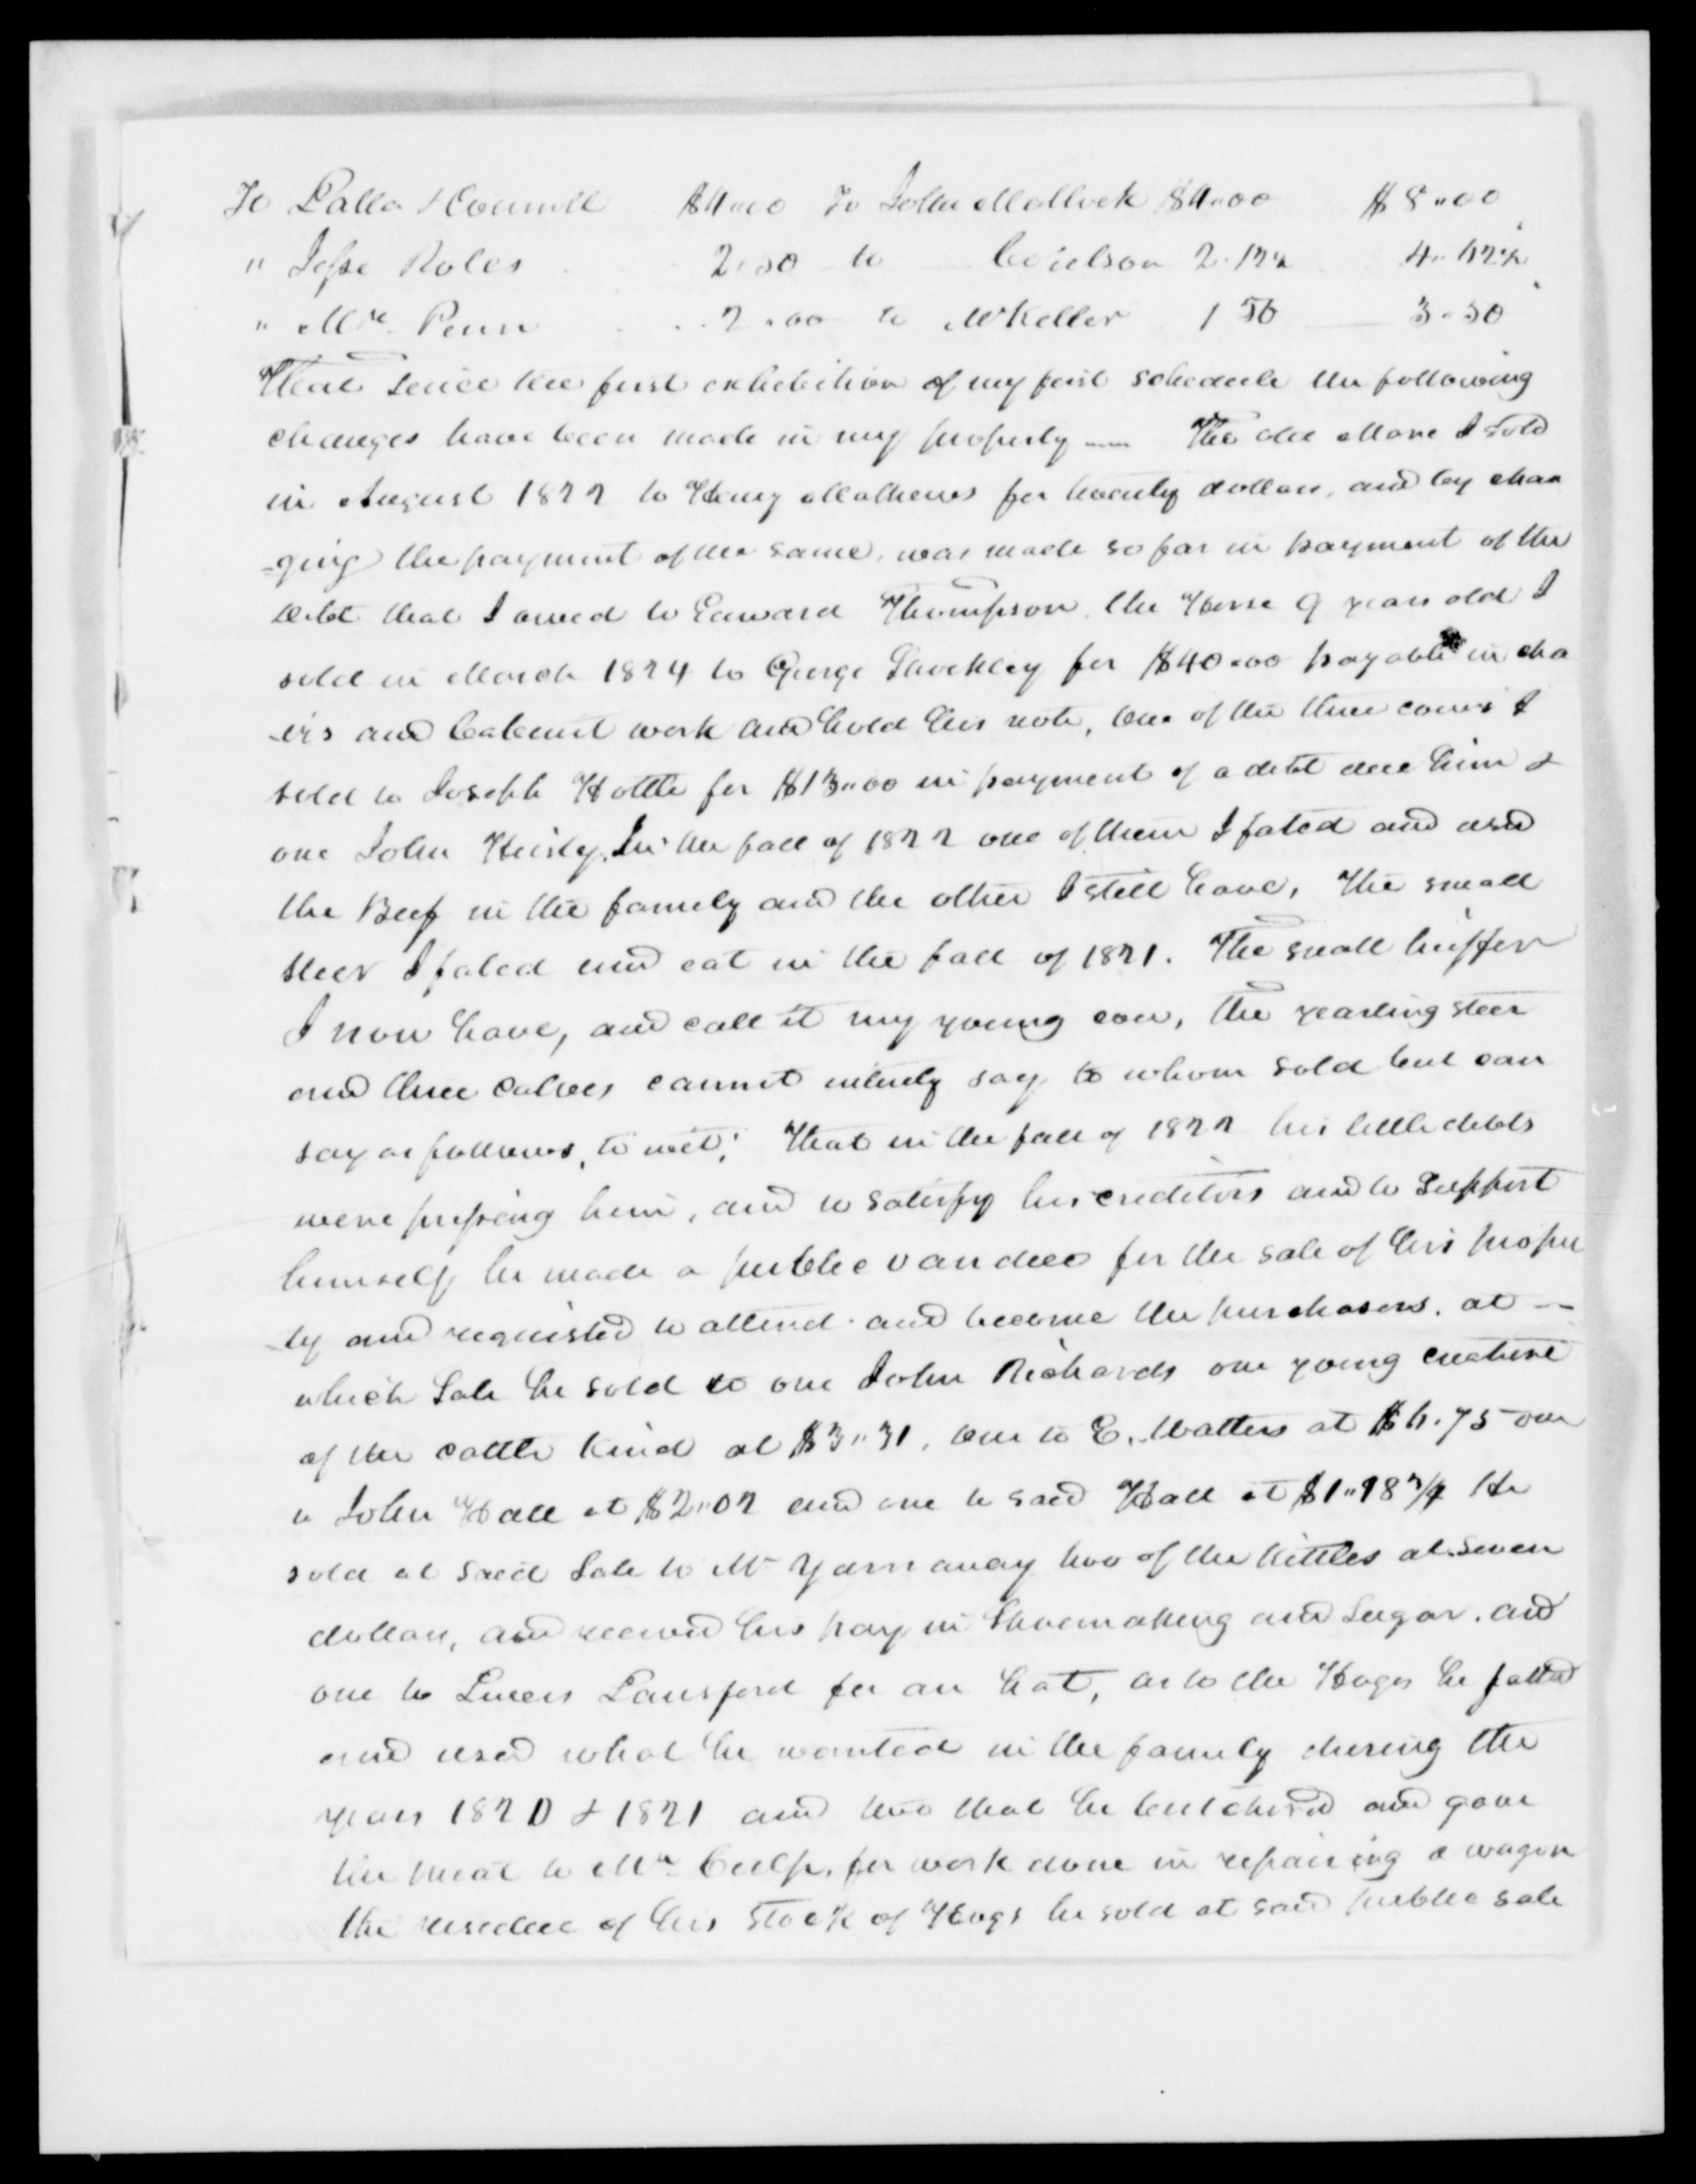To Dalla & Connell $4.00 To John Mollick $4.00  $8.00
" [to] Jesse Boles 2.00 to Cordson 2.12 1/2
4.12 ½
" [to]  Mr Penn 2.00 to Wheller 1.50  3.50
that since the first exhibition of my first schedule the following
changes have been made in my property. The old Mare I sold
in August 1822 to Henry Mathews for twenty dollars, and by changing
the payment of the same, was made so far in payment of the
Debt that I owed to Edward Thompson the [illegible] 9 years old I
sold in March 1824 to George Shockley for $40.00 payable in chairs
and Cabinet work and hold his note, one of the three cows I
sold to Joseph Hottle for $13.00 in payment of debt due him &
one John Heidy. In the fall of 1822 one of them I fated and are
the Beef in the family and the other still have. The small
Steer I faled and eat in the fall of 1821. The small heifer
I now have, and call it my young cow, the yearling steer
and three calves cannot entirely say to whom sold but can
say as follows, to wit: That in the fall of 1822 his little debts
were pressing him, and to satisfy his creditors and to Support
himself he made a public [illegible] for the sale of his proper
ty and required to attend and become the purchasers at
which Sale he sold to one John Richards one young [illegible]
of the cattle kind at $3.31, one to E. Watters at $6.75 one
to John Hall at $2.02 and one to said Hall at $1.18¾ He
sold at said Sale to Mr Yarnaway two of the kettles at seven
dollars, and received his pay in Shoemaking and Sugar, and
one to Lewiss Lansford for an hat, as to the Hogs he falled
and used what he wanted in the family during the
years 1820 & 1821 and two that he butchered and gave
the meat to Mr Culp, for work done in repairing a wagon
the [illegible] of his Stock of Hogs be sold at said public sale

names: Pierce, Joseph Hottle, Edward Thompson, George Shockley, Wheller, Culp, Cordson, John Heidy, Jesse Boles, Mathews, John Mollick, Hoges, Dalla Connell, John Hall, John Richards, Lewis Lansford, Henry Mathews, E Watters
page: 7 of 29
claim: survivor's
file: S. 40642, James Waters, Continental (Md)